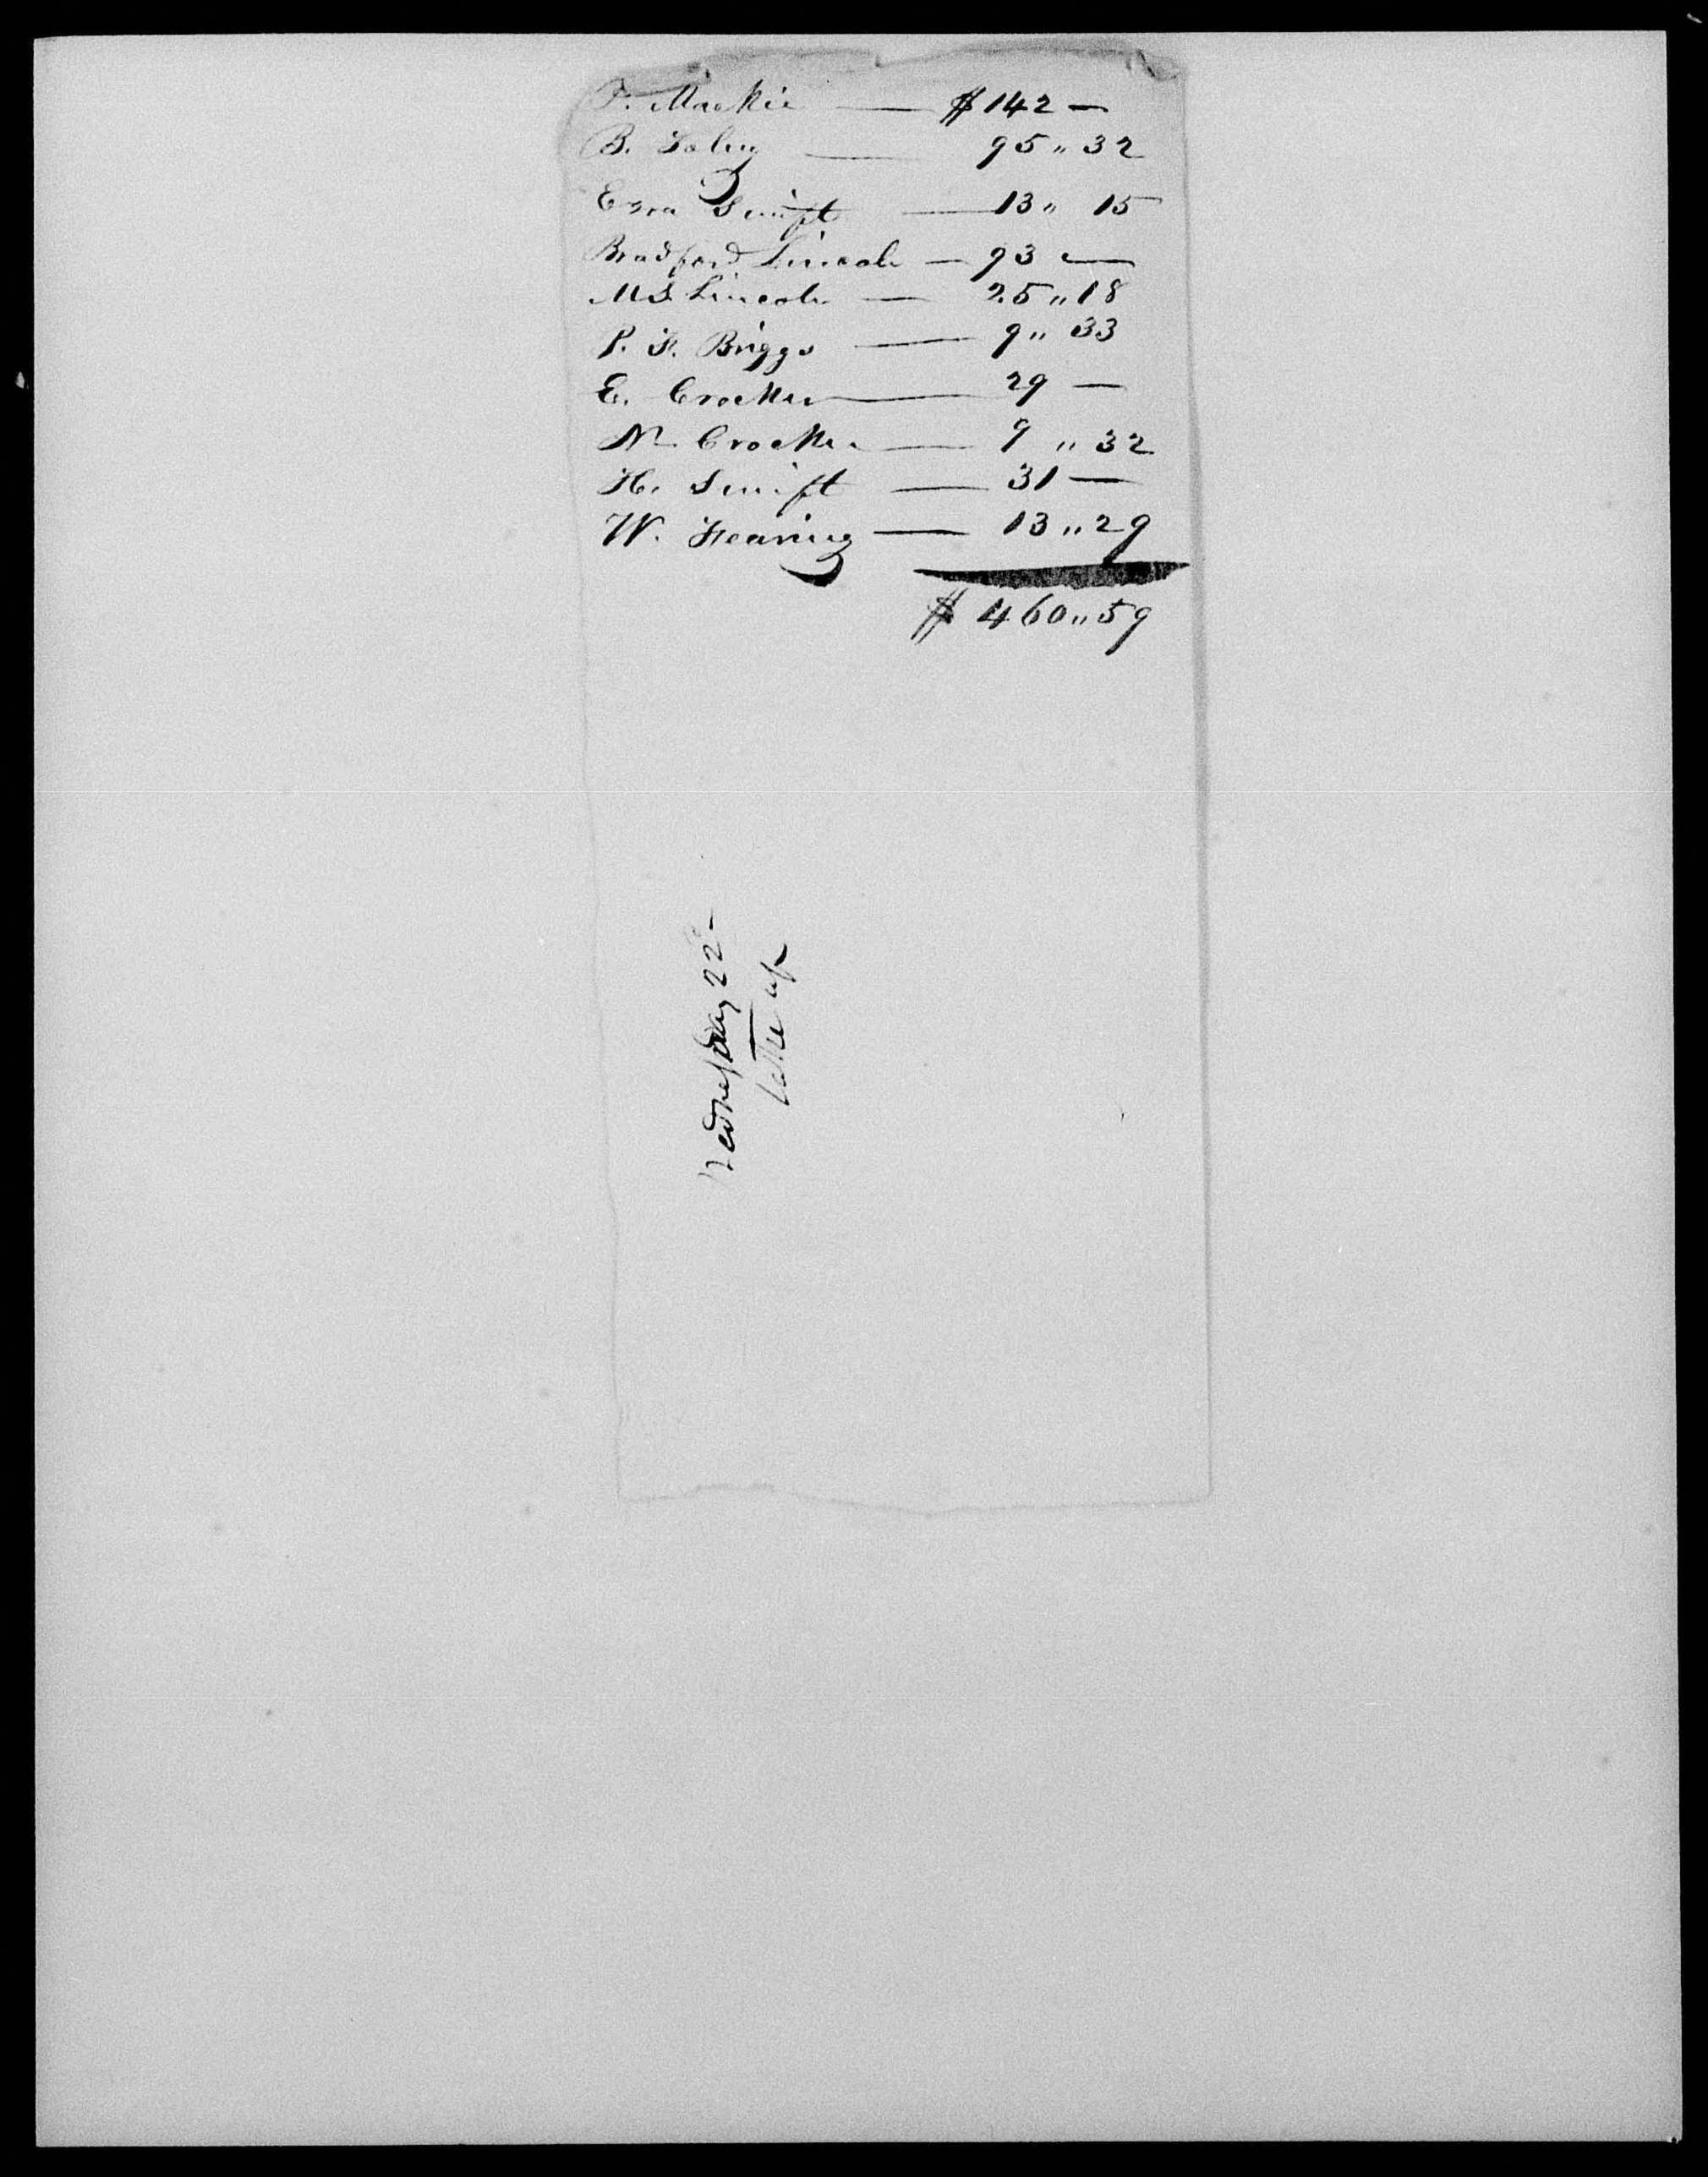F. Mackie           $142-
B. Tobey                95.32
Ezra Swift              13.15
Bradford Lincoln-  93 -
M. S. Lincoln          25.18
P. F. Briggs              9.33
E. Crocker               29-
M. Crocker               9 .32
H. Swift                   31
W. Fearing              13.29
                              _________
                              $460.59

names: P F Briggs; P Mackie; Ezra Swift; H Swift; B Tobey; E Crocker; Bradford Lincoln; M Crocker; M S Lincoln; W Fearing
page: 21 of 82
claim: widow's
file: W. 13,634, for Rufus Lincoln, Massachusetts